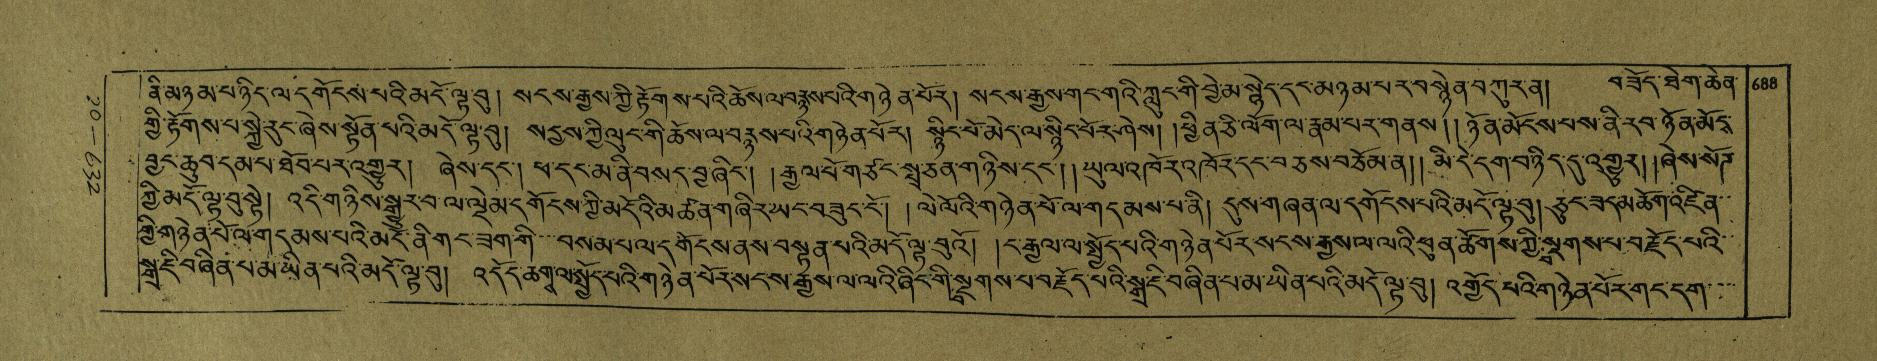ནི་མཉམ་པ་ཉིད་ལ་དགོངས་པའི་མདོ་ལྟ་བུ། སངས་རྒྱས་ཀྱི་རྟོགས་པའི་ཆོས་ལ་བརྙས་པའི་གཉེན་པོར། སངས་རྒྱས་གང་གའི་ཀླུང་གི་བྱེ་མ་སྙེད་དང་མཉམ་པར་བསྙེན་བཀུར་ན། བཟོད་ཐེག་ཆེན་
གྱི་རྟོགས་པ་སྐྱེ་རུང་ཞེས་སྟོན་པའི་མདོ་ལྟ་བུ། སངས་རྒྱས་ཀྱི་ལུང་གི་ཆོས་ལ་བརྙས་པའི་གཉེན་པོར། སྙིང་པོ་མེད་ལ་སྙིང་པོར་ཤེས། །ཕྱིན་ཅི་ལོག་ལ་རྣམ་པར་གནས། །ཉོན་མོངས་པས་ནི་རབ་ཉོན་མོངས་
བྱང་ཆུབ་དམ་པ་ཐོབ་པར་འགྱུར། ཞེས་དང་། ཕ་དང་མ་ནི་བསད་བྱ་ཞིང་། །རྒྱལ་པོ་གཙང་སྤྲ་ཅན་གཉིས་དང་། །ཡུལ་འཁོར་འཁོར་དང་བཅས་བཅོམ་ན། །མི་དེ་དག་བ་ཉིད་དུ་འགྱུར། །ཞེས་སོཌ་
ཀྱི་མདོ་ལྟ་བུ་སྟེ། འདི་གཉིས་སྒྱུར་བ་ལ་ལྡེམ་དགོངས་ཀྱི་མདོའི་མཚན་གཞིར་ཡང་བཟུང་ངོ། །ལེ་ལོའི་གཉེན་པོ་ལ་གདམས་པ་ནི། དུས་གཞན་ལ་དགོངས་པའི་མདོ་ལྟ་བུ། ཅུང་ཟད་མཆོག་འཛིན་
གྱི་གཉེན་པོ་ལ་གདམས་པའི་མདོ་ནི་གང་ཟག་གི་བསམ་པ་ལ་དགོངས་ནས་བསྟན་པའི་མདོ་ལྟ་བུའོ། །ང་རྒྱལ་ལ་སྤྱོད་པའི་གཉེན་པོར་སངས་རྒྱས་ལ་ལའི་ཕུན་ཚོགས་ཀྱི་བ་སྔགས་པ་བརྗོད་པའི་
སྒྲ་ཇི་བཞིན་པ་མ་ཡིན་པའི་མདོ་ལྟ་བུ། འདོད་ཆགས་ལ་སྤྱོད་པའི་གཉེན་པོར་སངས་རྒྱས་ལ་ལའི་ཞིང་གིས་སྔགས་པ་བརྗོད་པའི་སྒྲ་ཇི་བཞིན་པ་མ་ཡིན་པའི་མདོ་ལྟ་བུ། འགྱོད་པའི་གཉེན་པོར་གང་དག་